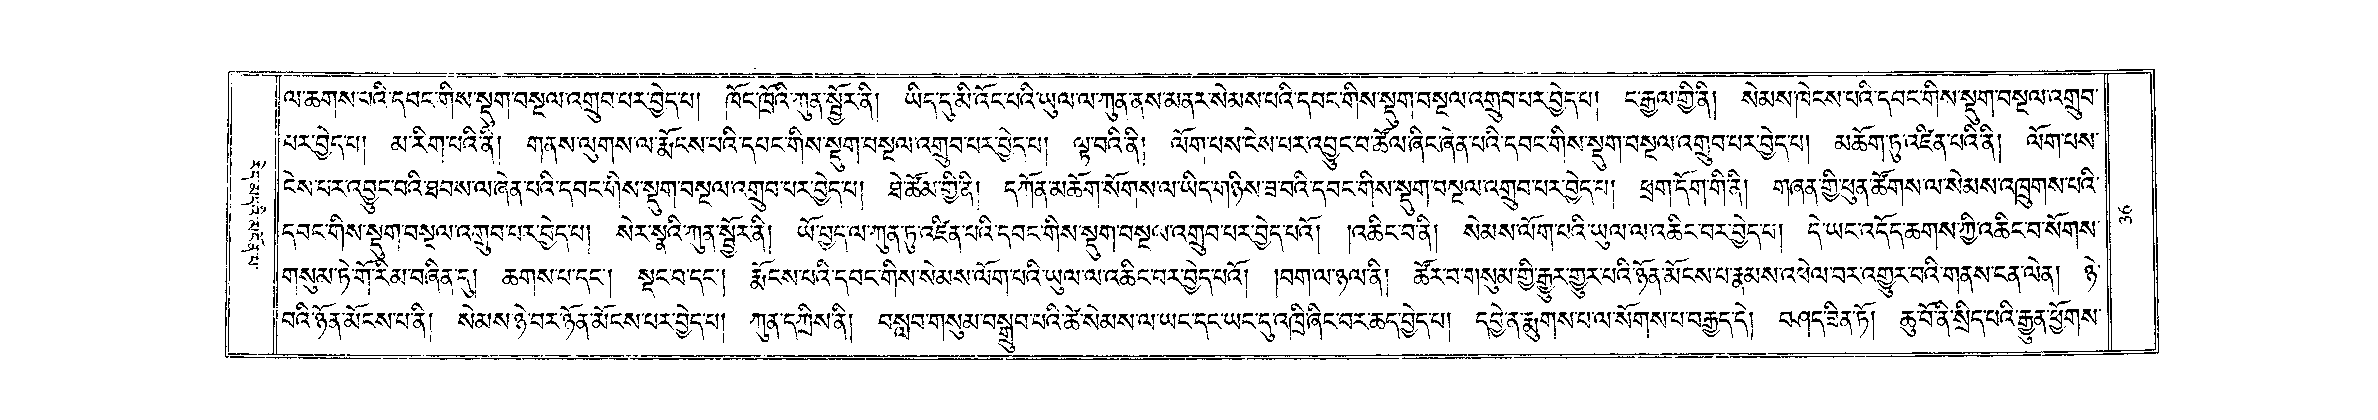ལ་ཆགས་པའི་དབང་གིས་སྡུག་བསྔལ་འགྲུབ་པར་བྱེད་པ། ཁོང་ཁྲོའི་ཀུན་སྦྱོར་ནི། ཡིད་དུ་མི་འོང་བའི་ཡུལ་ལ་ཀུན་ནས་མནར་སེམས་པའི་དབང་གིས་སྡུག་བསྔལ་འགྲུབ་པར་བྱེད་པ། ང་རྒྱལ་གྱི་ནི། སེམས་ཁེངས་པའི་དབང་གིས་སྡུག་བསྔལ་འགྲུབ་
པར་བྱེད་པ། མ་རིག་པའི་ནི། གནས་ལུགས་ལ་རྨོངས་པའི་དབང་གིས་སྡུག་བསྔལ་འགྲུབ་པར་བྱེད་པ། ལྟ་བའི་ནི། ལོག་པས་ངེས་པར་འབྱུང་བ་ཚོལ་ཞིང་ཞེན་པའི་དབང་གིས་སྡུག་བསྔལ་འགྲུབ་པར་བྱེད་པ། མཆོག་ཏུ་འཛིན་པའི་ནི། ལོག་པས་
ངེས་པར་འབྱུང་བའི་ཐབས་ལ་ཞེན་པའི་དབང་གིས་སྡུག་བསྔལ་འགྲུབ་པར་བྱེད་པ། ཐེ་ཚོམ་གྱི་ནི། དཀོན་མཆོག་སོགས་ལ་ཡིད་གཉིས་ཟ་བའི་དབང་གིས་སྡུག་བསྔལ་འགྲུབ་པར་བྱེད་པ། ཕྲག་དོག་གི་ནི། གཞན་གྱི་ཕུན་ཚོགས་ལ་སེམས་འཁྲུགས་པའི་
དབང་གིས་སྡུག་བསྔལ་འགྲུབ་པར་བྱེད་པ། སེར་སྣའི་ཀུན་སྦྱོར་ནི། ཡོ་བྱད་ལ་ཀུན་ཏུ་འཛིན་པའི་དབང་གིས་སྡུག་བསྔལ་འགྲུབ་པར་བྱེད་པའོ། །འཆིང་བ་ནི། སེམས་ལོག་པའི་ཡུལ་ལ་འཆིང་བར་བྱེད་པ། དེ་ཡང་འདོད་ཆགས་ཀྱི་འཆིང་བ་སོགས་
གསུམ་ཏེ་གོ་རིམ་བཞིན་དུ། ཆགས་པ་དང་། སྡང་བ་དང་། རྨོངས་པའི་དབང་གིས་སེམས་ལོག་པའི་ཡུལ་ལ་འཆིང་བར་བྱེད་པའོ། །བག་ལ་ཉལ་ནི། ཚོར་བ་གསུམ་གྱི་རྒྱུར་གྱུར་པའི་ཉོན་མོངས་པ་རྣམས་འཕེལ་བར་འགྱུར་བའི་གནས་ངན་ལེན། ཉེ་
བའི་ཉོན་མོངས་པ་ནི། སེམས་ཉེ་བར་ཉོན་མོངས་པར་བྱེད་པ། ཀུན་དཀྲིས་ནི། བསླབ་གསུམ་བསྒྲུབ་པའི་ཚེ་སེམས་ལ་ཡང་དང་ཡང་དུ་འཁྲི་ཞིང་བར་ཆད་བྱེད་པ། དབྱེ་ན་རྨུགས་པ་ལ་སོགས་པ་བརྒྱད་དེ། བཤད་ཟིན་ཏོ། ཆུ་བོ་ནི་སྲིད་པའི་རྒྱུན་ཕྱོགས་